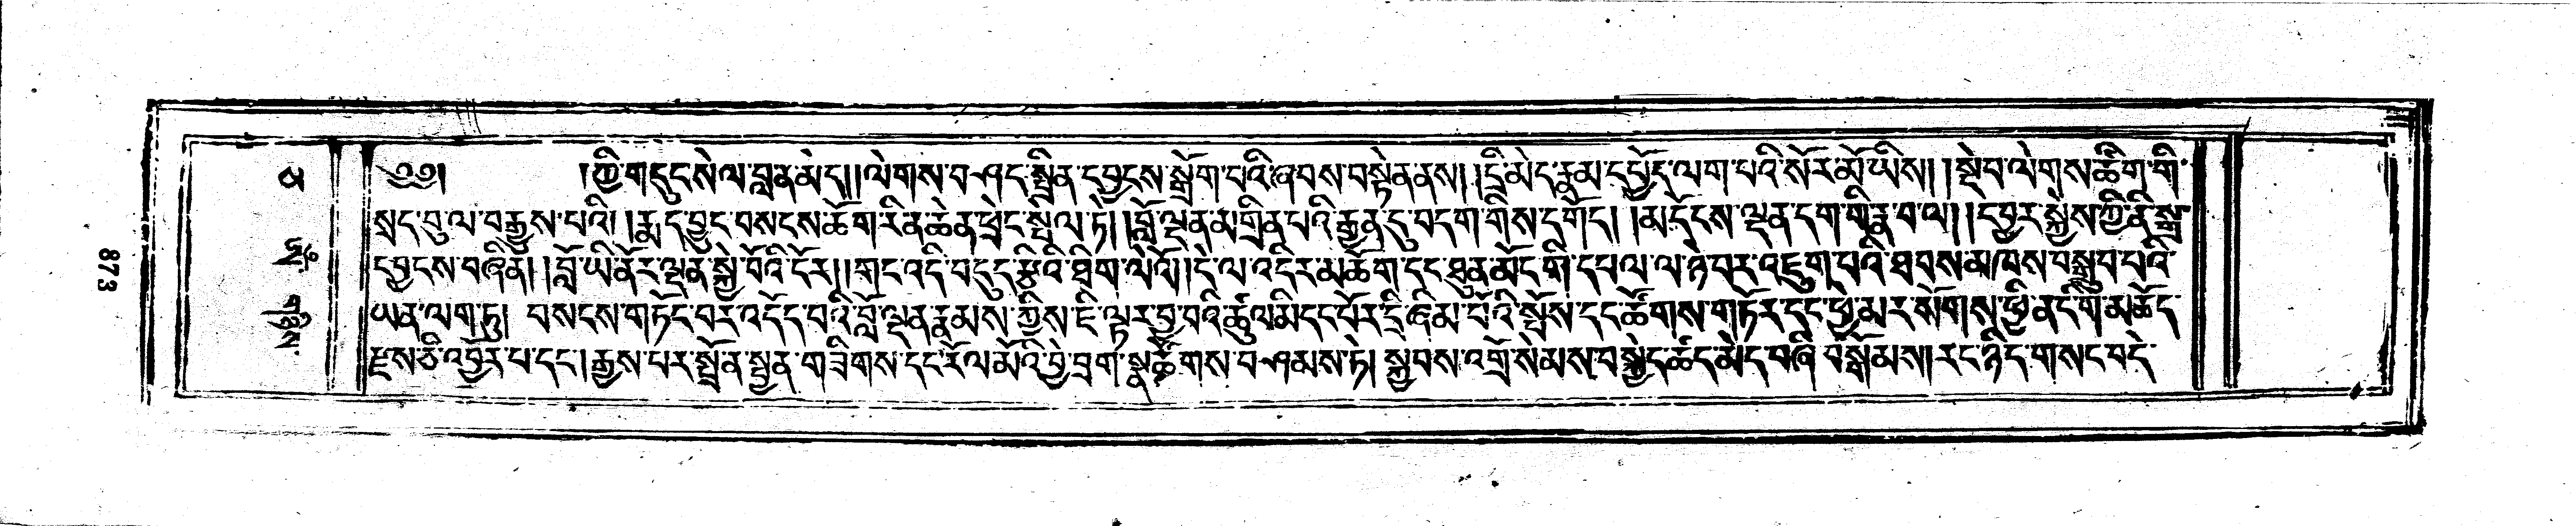༄༅། །ཀྱི་གདུང་སེལ་བླ་ན་མེད། །ལེགས་བཤད་སྤྲིན་དབྱངས་སྒྲོག་པའི་ཞབས་བསྟེན་ནས། །དྲི་མེད་རྣམ་དཔྱོད་ལག་པའི་སོར་མོ་ཡིས། །སྡེབ་ལེགས་ཚིག་གི་
སྲད་བུ་ལ་བརྒྱུས་པའི། །རྨད་བྱུང་བསངས་ཆོག་རིན་ཆེན་ཕྲེང་སྤེལ་ཏེ། །བློ་ལྡན་མགྲིན་པའི་རྒྱན་དུ་བདག་གིས་དགོད། །མདོངས་ལྡན་དག་གིས་རྣ་བ་ལ། །དབྱར་སྐྱེས་ཀྱི་ནི་སྒྲ་
དབྱངས་བཞིན། །བློ་ཡི་ནོར་ལྡན་སྐྱེ་བོའི་ངོར། །གང་འདི་བདུད་རྩིའི་ཐིག་ལེའོ། །དེ་ལ་འདིར་མཆོག་དང་ཐུན་མོང་གི་དཔལ་ལ་ཉེ་བར་འཇུག་པའི་ཐབས་མཁས་བསྒྲུབ་པའི་
ཡན་ལག་ཏུ། བསངས་གཏོང་བར་འདོད་པའི་བློ་ལྡན་རྣམས་ཀྱིས་ཇི་ལྟར་བྱ་བའི་ཚུལ་ནི། དང་པོར་དྲི་ཞིམ་པོའི་སྤོས་དང་ཚོགས་གཏོར་དང་ཕྱེ་མར་སོགས་ཕྱི་ནང་གི་མཆོད་
རྫས་ཅི་འབྱོར་པ་དང་། རྒྱས་པར་སྤྲོ་ན་སྤྱན་གཟིགས་དང་རོལ་མོའི་བྱེ་བྲག་སྣ་ཚོགས་བཤམས་ཏེ། སྐྱབས་འགྲོ་སེམས་བསྐྱེད་ཚད་མེད་བཞི་བསྒོམས། རང་ཉིད་གསང་བདེ་